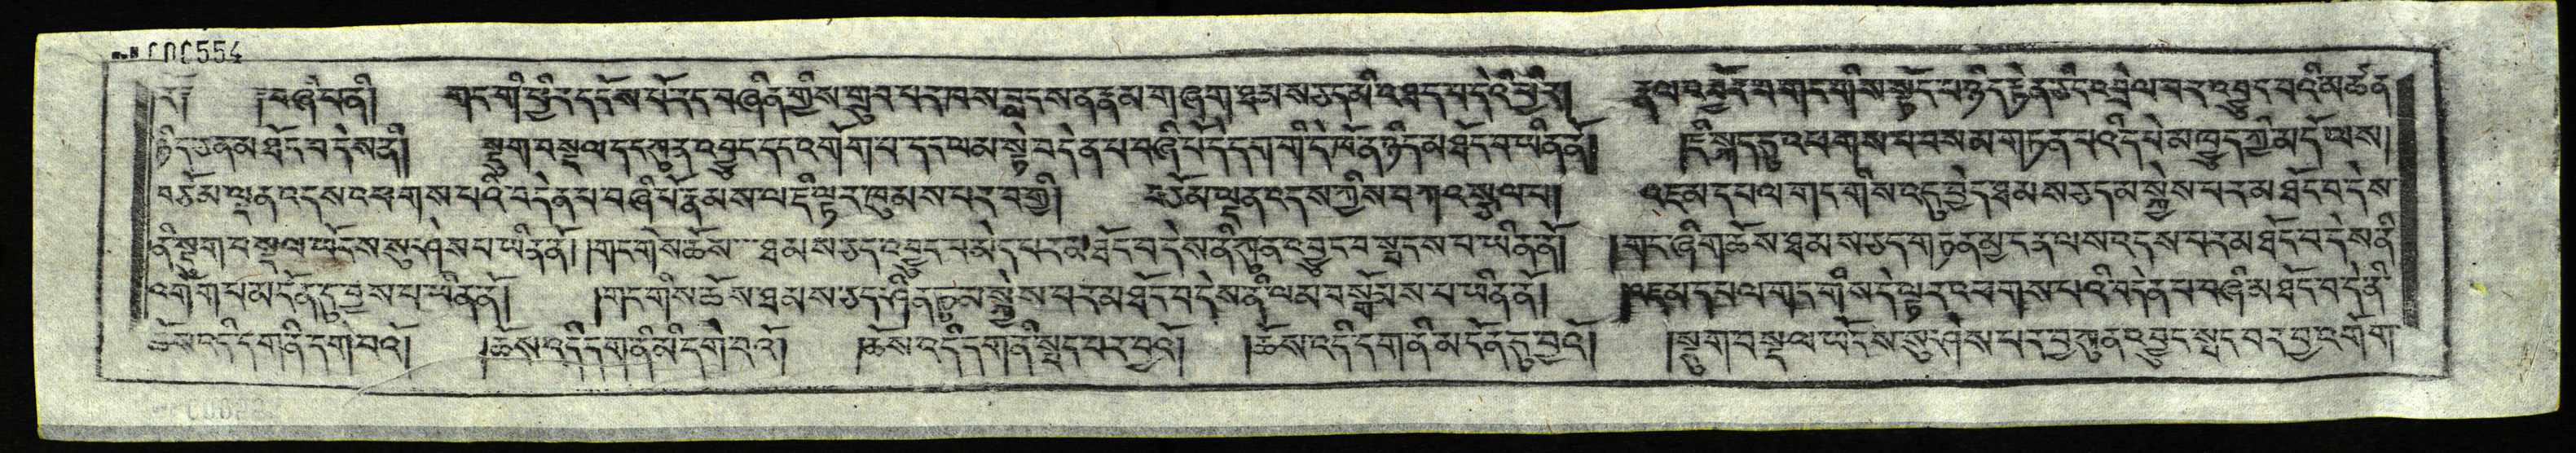རོ༑ ༑བཞི་པ་ནི། གང་གི་ཕྱིར་དངོས་པོ་རང་བཞིན་གྱིས་གྲུབ་པར་ཁས་བླངས་ན་རྣམ་གཞག་ཐམས་ཅད་མི་འཐད་པ་དེའི་ཕྱིར། རྣལ་འབྱོར་བ་གང་གིས་སྟོང་པ་ཉིད་རྟེན་ཅིང་འབྲེལ་བར་འབྱུང་བའི་མཚན་
ཉིད་ཅན་མཐོང་བ་དེས་ནི། སྡུག་བསྔལ་དང་ཀུན་འབྱུང་དང་འགོག་པ་དང་ལམ་སྟེ་བདེན་པ་བཞི་པོ་དེ་དག་གི་དེ་ཁོ་ན་ཉིད་མཐོང་བ་ཡིན་ནོ། །ཇི་སྐད་དུ་འཕགས་པ་བསམ་གཏན་པའི་དཔེ་མ་ཁྱུད་ཀྱི་མདོ་ལས།
བཅོམ་ལྡན་འདས་འཕགས་པའི་བདེན་པ་བཞི་པོ་རྣམས་ལ་ཇི་ལྟར་ཁུམས་པར་བགྱི། བཅོམ་ལྡན་འདས་ཀྱིས་བཀའ་སྩལ་བ། འཇམ་དཔལ་གང་གིས་འདུ་བྱེད་ཐམས་ཅད་མ་སྐྱེས་པར་མཐོང་བ་དེས་
ནི་སྡུག་བསྔལ་ཡོངས་སུ་ཤེས་པ་ཡིན་ནོ། །གང་གིས་ཆོས་ཐམས་ཅད་འབྱུང་བ་མེད་པར་མཐོང་བ་དེས་ནི་ཀུན་འབྱུང་བ་སྤངས་པ་ཡིན་ནོ། །གང་ཞིག་ཆོས་ཐམས་ཅད་གཏན་མྱ་ངན་ལས་འདས་བར་མཐོང་བ་དེས་ནི་
འགོག་པ་མངོན་དུ་བྱས་པ་ཡིན་ནོ། །གང་གིས་ཆོས་ཐམས་ཅད་ཤིན་ཏུ་མ་སྐྱེས་པར་མཐོང་བ་དེས་ནི་ལམ་བསྒོམས་པ་ཡིན་ནོ། །འཇམ་དཔལ་གང་གིས་དེ་ལྟར་འཕགས་པའི་བདེན་པ་བཞི་མཐོང་བ་དེ་ནི་
ཆོས་འདི་དག་ནི་དགེ་བའོ། །ཆོས་འདི་དག་ནི་མི་དགེ་བའོ། །ཆོས་འདི་དག་ནི་སྤང་པར་བྱའོ། །ཆོས་འདི་དག་ནི་མངོན་དུ་བྱའོ། །སྡུག་བསྔལ་ཡོངས་སུ་ཤེས་པར་བྱ་ཀུན་འབྱུང་སྤང་བར་བྱ་འགོག་